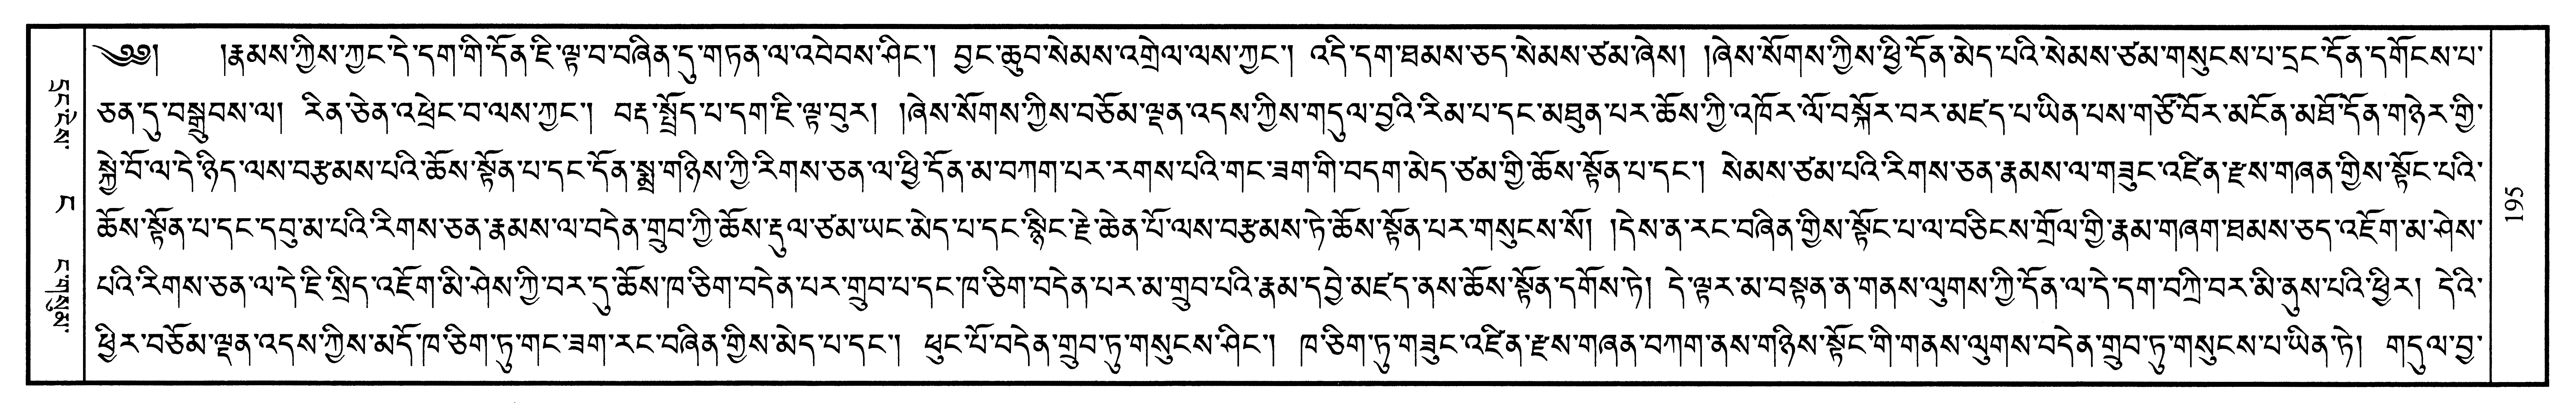༄༅། །རྣམས་ཀྱིས་ཀྱང་དེ་དག་གི་དོན་ཇི་ལྟ་བ་བཞིན་དུ་གཏན་ལ་འབེབས་ཤིང་། བྱང་ཆུབ་སེམས་འགྲེལ་ལས་ཀྱང་། འདི་དག་ཐམས་ཅད་སེམས་ཙམ་ཞེས། །ཞེས་སོགས་ཀྱིས་ཕྱི་དོན་མེད་པའི་སེམས་ཙམ་གསུངས་པ་དྲང་དོན་དགོངས་པ་
ཅན་དུ་བསྒྲུབས་ལ། རིན་ཅེན་འཕྲེང་བ་ལས་ཀྱང་། བརྡ་སྤྲོད་པ་དག་ཇི་ལྟ་བུར། །ཞེས་སོགས་ཀྱིས་བཅོམ་ལྡན་འདས་ཀྱིས་གདུལ་བྱའི་རིམ་པ་དང་མཐུན་པར་ཆོས་ཀྱི་འཁོར་ལོ་བསྐོར་བར་མཛད་པ་ཡིན་པས་གཙོ་བོར་མངོན་མཐོ་དོན་གཉེར་གྱི་
སྐྱེ་བོ་ལ་དེ་ཉིད་ལས་བརྩམས་པའི་ཆོས་སྟོན་པ་དང་དོན་སྨྲ་གཉིས་ཀྱི་རིགས་ཅན་ལ་ཕྱི་དོན་མ་བཀག་པར་རགས་པའི་གང་ཟག་གི་བདག་མེད་ཙམ་གྱི་ཆོས་སྟོན་པ་དང་། སེམས་ཙམ་པའི་རིགས་ཅན་རྣམས་ལ་གཟུང་འཛིན་རྫས་གཞན་གྱིས་སྟོང་པའི་
ཆོས་སྟོན་པ་དང་དབུ་མ་པའི་རིགས་ཅན་རྣམས་ལ་བདེན་གྲུབ་ཀྱི་ཆོས་རྡུལ་ཙམ་ཡང་མེད་པ་དང་སྙིང་རྗེ་ཆེན་པོ་ལས་བརྩམས་ཏེ་ཆོས་སྟོན་པར་གསུངས་སོ། །དེས་ན་རང་བཞིན་གྱིས་སྟོང་པ་ལ་བཅིངས་གྲོལ་གྱི་རྣམ་གཞག་ཐམས་ཅད་འཇོག་མ་ཤེས་
པའི་རིགས་ཅན་ལ་དེ་ཇི་སྲིད་འཇོག་མི་ཤེས་ཀྱི་བར་དུ་ཆོས་ཁ་ཅིག་བདེན་པར་གྲུབ་པ་དང་ཁ་ཅིག་བདེན་པར་མ་གྲུབ་པའི་རྣམ་དབྱེ་མཛད་ནས་ཆོས་སྟོན་དགོས་ཏེ། དེ་ལྟར་མ་བསྟན་ན་གནས་ལུགས་ཀྱི་དོན་ལ་དེ་དག་བཀྲི་བར་མི་ནུས་པའི་ཕྱིར། དེའི་
ཕྱིར་བཅོམ་ལྡན་འདས་ཀྱིས་མདོ་ཁ་ཅིག་ཏུ་གང་ཟག་རང་བཞིན་གྱིས་མེད་པ་དང་། ཕུང་པོ་བདེན་གྲུབ་ཏུ་གསུངས་ཤིང་། ཁ་ཅིག་ཏུ་གཟུང་འཛིན་རྫས་གཞན་བཀག་ནས་གཉིས་སྟོང་གི་གནས་ལུགས་བདེན་གྲུབ་ཏུ་གསུངས་པ་ཡིན་ཏེ། གདུལ་བྱ་